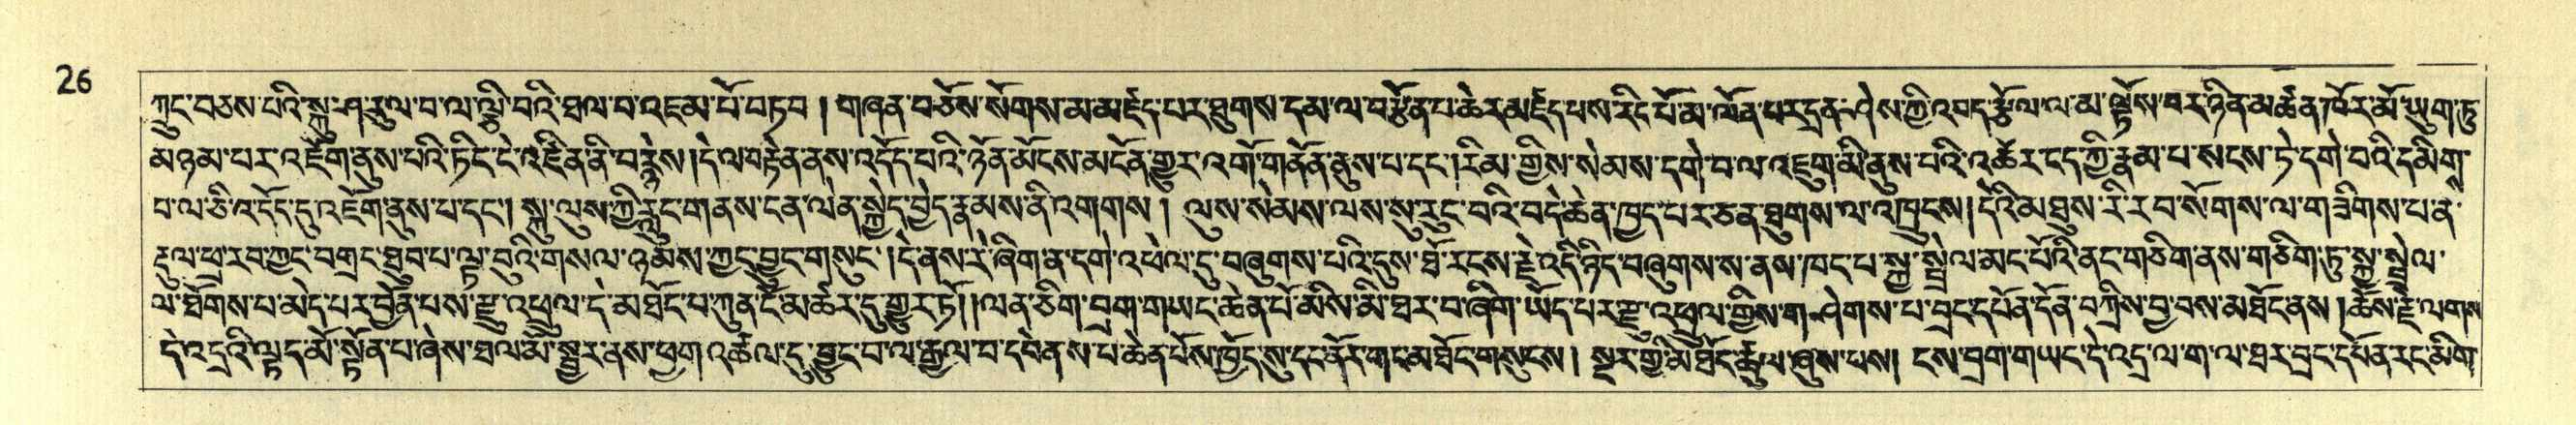ཀྲུང་བཅས་པའི་སྐུ་ཤ་རུལ་བ་ལ་ལྕི་བའི་ཐལ་བ་འཇམ་པོ་བཏབ། གཞན་བཅོས་སོགས་མ་མཛད་པར་ཐུགས་དམ་ལ་བརྩོན་པ་ཆེར་མཛད་པས་རིང་པོ་མ་ལོན་པར་དྲན་ཤེས་ཀྱི་འབད་རྩོལ་ལ་མ་ལྟོས་བར་ཉིན་མཚན་ཁོར་མོ་ཡུག་ཏུ་
མཉམ་པར་འཇོག་ནུས་པའི་ཏིང་ངེ་འཛིན་ནི་བརྙེས། དེ་ལ་བརྟེན་ནས་འདོད་པའི་ཉོན་མོངས་མངོན་གྱུར་འགོ་གནོན་ནུས་པ་དང་། རིམ་གྱིས་སེམས་དགེ་བ་ལ་འཇུག་མི་ནུས་པའི་འཆོར་ངད་ཀྱི་རྣམ་པ་སངས་ཏེ་དགེ་བའི་དམིགས་
པ་ལ་ཅི་འདོད་དུ་འཇོག་ནུས་པ་དང་། སྐུ་ལུས་ཀྱི་རླུང་གནས་ངན་ལེན་སྐྱེད་བྱེད་རྣམས་ནི་འགགས། ལུས་སེམས་ལས་སུ་རུང་བའི་བདེ་ཆེན་ཁྱད་པར་ཅན་ཐུགས་ལ་འཁྲུངས་།དེའི་མཐུས་རི་རབ་སོགས་ལ་གཟིགས་པ་ན་
རྡུལ་ཕྲ་རབ་ཀྱང་བགྲང་ཐུབ་པ་ལྟ་བུའི་གསལ་ཉམས་ཀྱང་བྱུང་གསུང་། དེ་ནས་རེ་ཞིག་ན་དགེ་འཕེལ་དུ་བཞུགས་པའི་དུས་ཐོ་རངས་རྗེ་འདི་ཉིད་བཞུགས་ས་ནས་ཁང་པ་སྐྱ་སྦྲེལ་མང་པོའི་ནང་གཅིག་ནས་གཅིག་ཏུ་སྐྱ་སྦྲེལ་
ལ་ཐོགས་པ་མེད་པར་བྱོན་པས་རྫུ་འཕྲུལ་དེ་མཐོང་པ་ཀུན་ངོ་མཚར་དུ་གྱུར་ཏོ། །ལན་ཅིག་བྲག་གཡང་ཆེན་པོ་མིས་མི་ཐར་བ་ཞིག་ཡོད་པར་རྫུ་འཕྲུལ་གྱིས་གཤེགས་པ་བྲང་དཔོན་དོན་བཀྲིས་བྱ་བས་མཐོང་ནས། ཆོས་རྗེ་ལགས་
དེ་འདྲའི་ལྟད་མོ་སྟོན་པ་ཞེས་ཐལ་མོ་སྦྱར་ནས་ཕྱག་འཚལ་དུ་བྱུང་བ་ལ་རྒྱལ་བ་དབེན་ས་པ་ཆེན་པོས་ཁྱོད་སུ་དང་ནོར་གང་མཐོང་གསུངས། སྔར་གྱི་མཐོང་ཚུལ་ཞུས་པས། ངས་བྲག་གཡང་དེ་འདྲ་ལ་ག་ལ་ཐར་བྲང་དཔོན་རང་མིག་